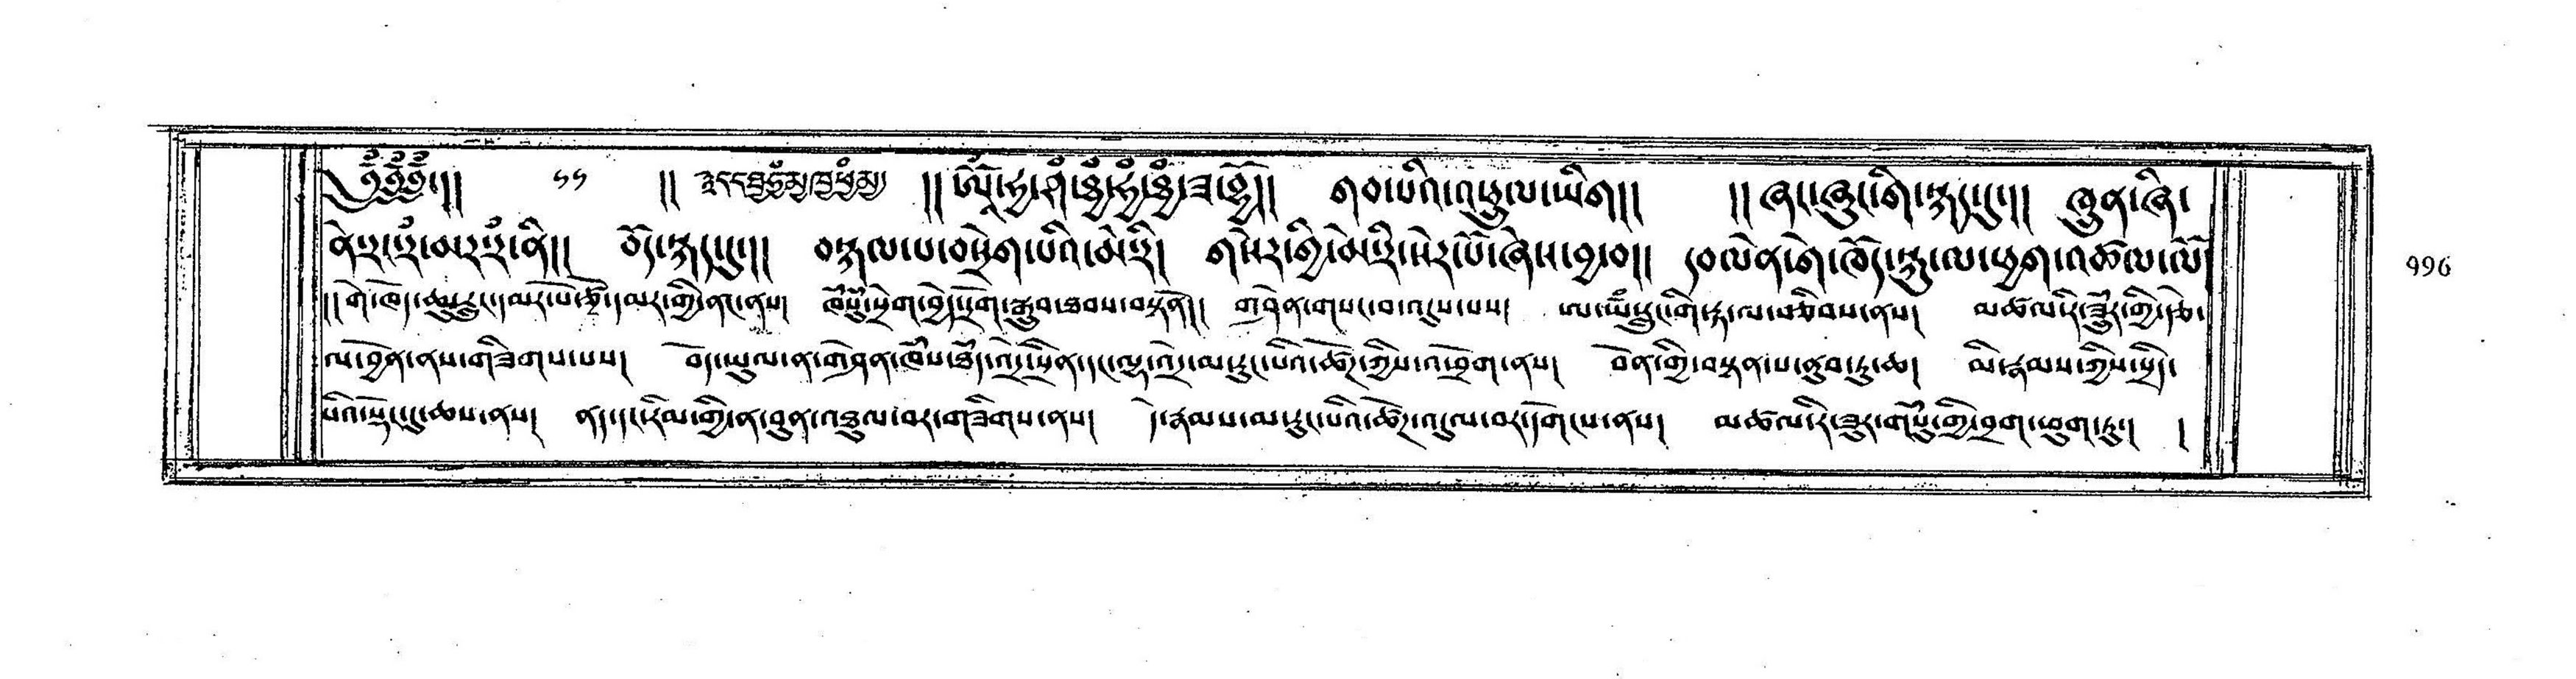༄༅༅།། །།༣དདཐྱཧྱཾམྱཁྱཕྱཾམྱ །།ཨཱོཾ་ཧྱ་ཤཾ་ཐྱཾ་ཧྱཾ་ཐྱཾ་ཟ་བྷྱོ།། གབ་པའི་འཕྲུལ་ཡིག།། །།ཞང་ཞུང་གི་སྐད་དུ།། ཁྲུན་ཞི་
ནེ་རང་རཾ་མར་རཾ་ནི།། བོད་སྐད་དུ།། བསྐལ་པ་བསྲེག་པའི་མེ་རི། གསེར་གྱི་མེ་རི་སེར་པོ་ཞེས་བྱ་བ།། དབལ་ཆེན་གེ་ཁོད་སྐུ་ལ་ཕྱག་འཚལ་ལོ།
།།གེ་ཁོད་ཆུ་རླུང་དམར་པོ་ཙྭོ་དམར་གྱི་ནང་ནས། ཁམས་གསུམ་སྲེག་བྱེད་དྲག་པོ་སྒྲུབ་ཐབས་བསྟན་ནོ།། གཤེན་གསང་བ་འདུས་པས། ཨ་ཡྃ་རླུང་གི་རྟ་ལ་བཅིབས་ནས། མཚལ་རི་ཟུར་གསུམ་གྱི་རྩེ་
ལ་བྱོན་ནས་གཟིགས་པས། བོད་ཡུལ་ན་གཤེན་ཁམས་ཐམས་ཅད་འདྲེ་སྲིན་དང་ལྷ་འདྲེ་མ་རུང་པའི་ཚོགས་ཀྱིས་འཕྲོག་ནས། བོན་གྱི་བསྟན་པ་ནུབ་ཏུ་ཆ། མི་རྣམས་ཀྱིས་སྲིད་
པའི་སྡོང་དུ་ཆས་ནས། ནད་དང་རིམ་གྱི་ན་བུན་འཐུལ་བར་གཟིགས་ནས། དེ་རྣམས་མ་རུང་པའི་ཚོགས་འདུལ་བར་དགོངས་ནས། མཚལ་རི་ཟུར་གསུམ་གྱི་བྲག་ཕུག་ཏུ།